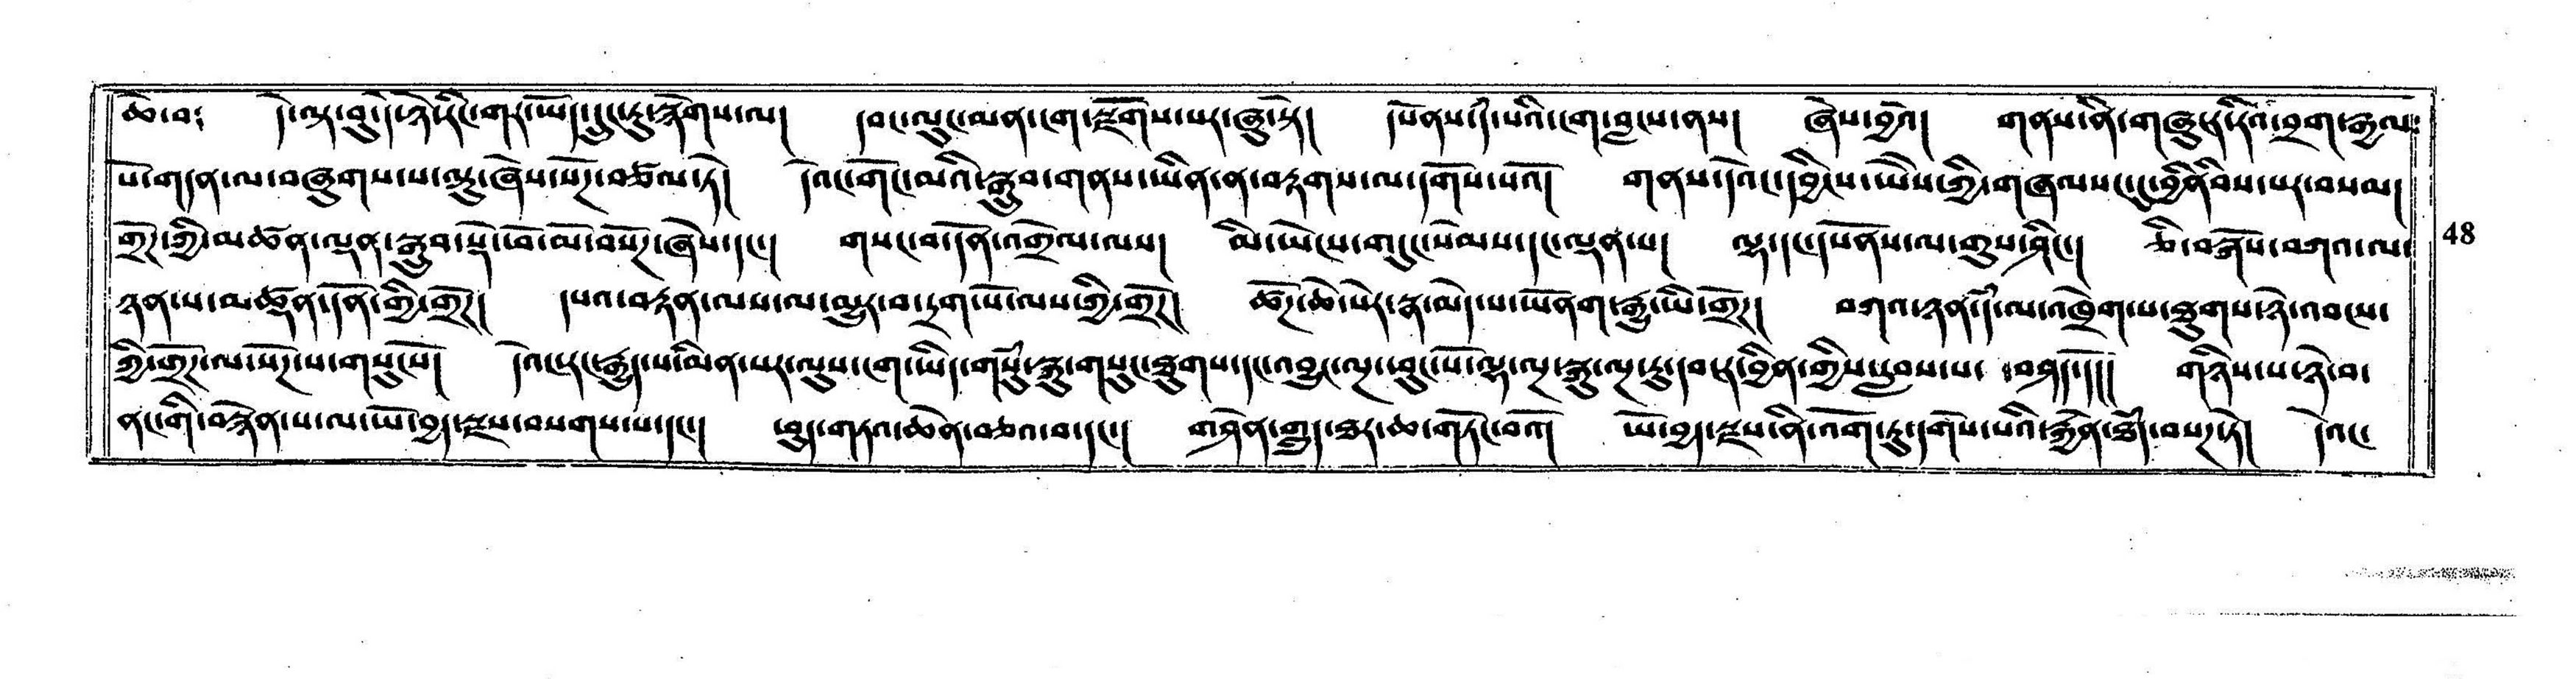ཆེ་བ། དེ་ལྟ་བུ་དེ་ཉེ་རིང་གར་ཡོད་དྲུང་ཏུ་སྙོགས་ལ། དབང་ལུང་མན་ངག་རྫོགས་པར་ཞུ་སྟེ། དཔོན་གསས་དམ་པའི་ངག་བླངས་ནས། ཞེས་བྱའོ། གནས་ནི་གཞུང་ལྟར་རི་བྲག་རྒྱལ་
པོ་གདན་ལ་བཞུགས་པ་ལྟ་བུ་ཞེས་སོགས་བཙལ་ཏེ། དེའང་གོང་མའི་སྒྲུབ་གནས་ཡིན་ན་བརྟགས་མ་དགོས་པའོ། གནས་དེའང་དབྱིངས་ཡེ་ཤེས་ཀྱི་གཞལ་ཡས་ཁང་དུ་བྱིན་གྱིས་བརླབས་པར་བསམ། 
གྲོགས་ཀྱི་མཚན་ལྡན་སྒྲུབ་སྡེ་ཕོ་མོ་བསོགས་ཞེས་དང་། གསང་བ་དོན་འགྲེལ་ལས། མི་ཡེངས་གདུང་སེམས་དང་ལྡན་པ། ལྷ་དང་དཔོན་གསས་ལ་གུས་ཤིང་། ཅི་བསྐོས་བཀའ་ལ་
ཉན་པ་མཚན་ལྡན་དོན་གྱི་གྲོགས། དཔའ་བརྟན་ལས་ལ་མྱུར་བ་དྲག་པོ་ལས་ཀྱི་གྲོགས། ཚོགས་ཆེ་སེར་སྣ་མེད་པ་ཡོན་བདག་རྒྱུ་ཡི་གྲོགས། བཀའ་ཉན་དམ་ལ་འཁྲེག་པ་ཐུགས་ཉེ་འབངས་
ཀྱི་གྲོགས་ལ་སོགས་པ་གསུངས་སོ། དེའང་རང་རྒྱུད་པ་མིན་པར་ལུས་ངག་ཡིད་གསུམ་སྐུ་གསུང་ཐུགས་དང་འབྱུང་ལྔ་ཕུང་པོ་ལྷ་ལྔ་སྐུ་ལྔ་རུ་དབང་བསྐུར་བྱིན་གྱིས་རླབས་པ་བཤད་དོ།། གཉིས་པ་ཉེ་བ་
ནང་གི་བསྙེན་པ་ལ་ཡོ་བྱད་རྫས་བསགས་པ་དང་། ཕུད་གཏའ་ཆེན་བཅའ་བ་དང་། གཤེན་གླུད་ཐར་ཆ་གཏོང་བའོ། ཡོ་བྱད་རྫས་ནི་འོག་ཏུ་དགོས་པའི་རྐྱེན་ཐམས་ཅད་བསགས་ཏེ། དེའང་